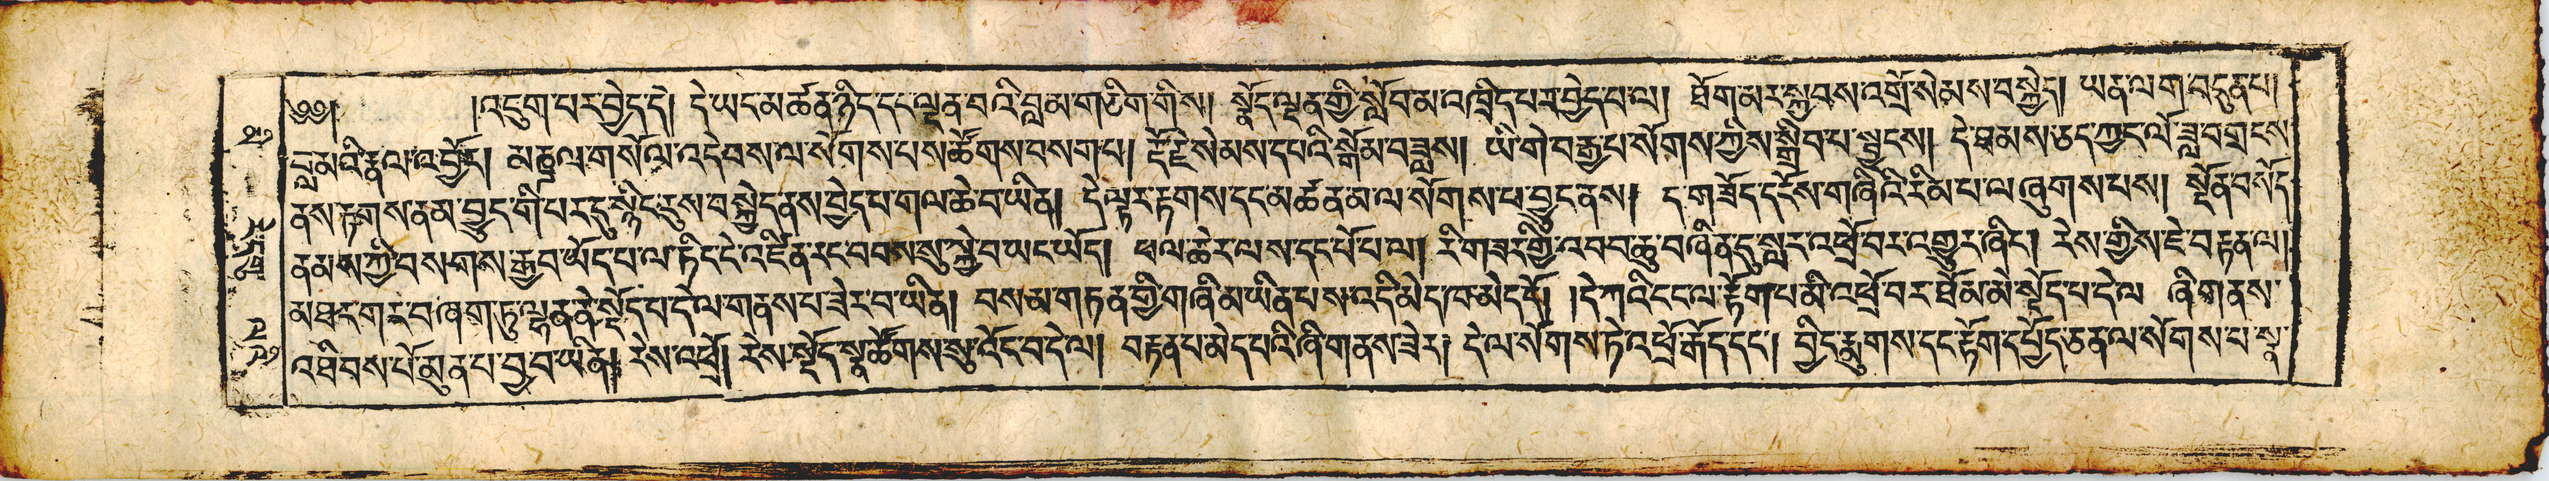།འཇུག་པར་བྱེད་དེ། དེ་ཡང་མཚན་ཉིད་དང་ལྡན་པའི་བླ་མ་གཅིག་གིས། སྣོད་ལྡན་གྱི་སློབ་མ་འཁྲིད་པར་བྱེད་པ་ལ། ཐོག་མར་སྐྱབས་འགྲོ་སེམས་བསྐྱེད། ཡན་ལག་བདུན་པ། 
བླ་མའི་རྣལ་འབྱོད། མཎྜལ་གསོལ་འདེབས་ལ་སོགས་པས་ཚོགས་བསགས་པ། རྡོ་རྗེ་སེམས་དཔའི་སྒོམ་བཟླས། ཡི་གེ་བརྒྱ་པ་སོགས་ཀྱིས་སྒྲིབ་པ་སྦྱངས། དེ་ཐམས་ཅད་ཀྱང་ལོ་ཟླ་བགྲངས་
ནས་རྟགས་ནམ་བྱུང་གི་བར་དུ་སྙིང་རུས་བསྐྱེད་ནས་བྱེད་པ་གལ་ཆེ་བ་ཡིན། དེ་ལྟར་རྟགས་དང་མཚན་མ་ལ་སོགས་པ་བྱུང་ནས། ད་གཟོད་དངོས་གཞིའི་རིམ་པ་ལ་ཞུགས་པས། སྔོན་བསོད་
ནམས་ཀྱི་བསགས་རྒྱབ་ཡོད་པ་ལ་་ཏིང་ངེ་འཛིན་རང་བབས་སུ་སྐྱེ་བ་ཡང་ཡོད། ཕལ་ཆེར་ལས་དང་པོ་པ་ལ། རི་གཟར་གྱི་འབབ་ཆུ་བཞིན་དུ་སླར་འཕྲོ་བར་འགྱུར་ཞིང་། རེས་གྱིས་ཇེ་བརྟན་ལ། 
མཐར་གར་བཞག་ཏུ་ལྷན་ནེ་སྡོད་པ་དེ་ལ་གནས་པ་ཟེར་བ་ཡིན། བསམ་གཏན་གྱི་གཞི་མ་ཡིན་པས་འདི་མེད་ཁ་མེད་དོ། །དེ་ཀའི་ངང་ལ་རྟོག་པ་མི་འཕྲོ་བར་ཐོམ་མེ་སྡོད་པ་དེ་ལ་ཞི་གནས་
འཐིབས་པོ་མུན་པ་བྱ་བ་ཡིན། རེས་འཕྲོ། རེས་སྡོད་སྣ་ཚོགས་སུ་འོང་བ་དེ་ལ། བརྟན་པ་མེད་པའི་ཞི་གནས་ཟེར། དེ་ལ་སོགས་ཏེ་འཕྲོ་རྒོད་དང་། བྱིང་རྨུགས་དང་རྟོག་དཔྱོད་ཅན་ལ་སོགས་པ་སྣ་